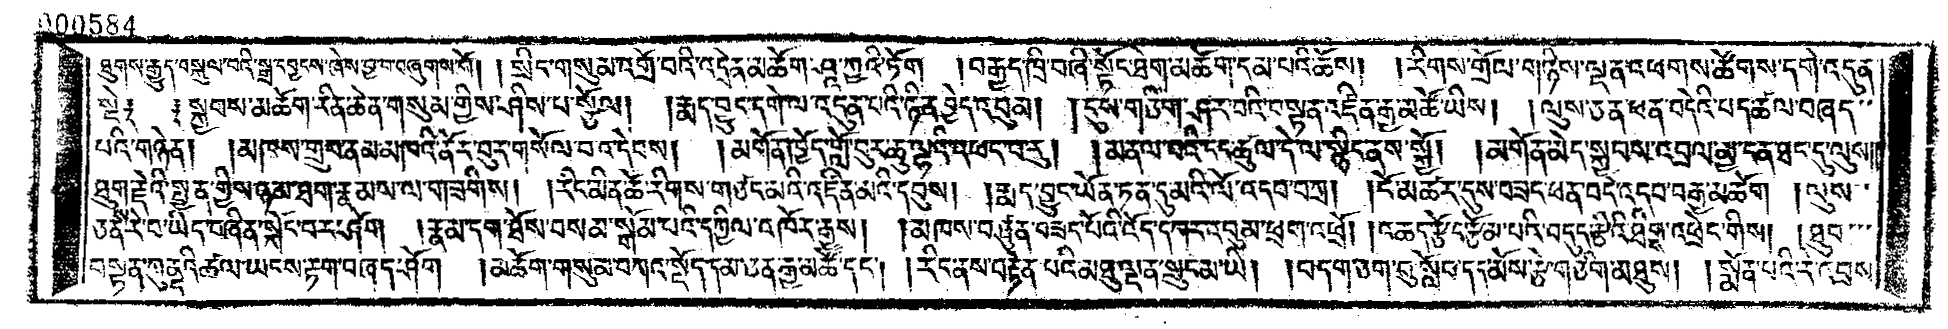ཐུགས་རྒྱུད་བསྐུལ་བའི་སྒྲ་དབྱངས་ཞེས་བྱ་བ་བཞུགས་སོ། །སྲིད་གསུམ་འགྲོ་བའི་འདྲེན་མཆོག་ཤཱ་ཀྱའི་ཏོག །བརྒྱད་ཁྲི་བཞི་སྟོང་ཐེག་མཆོག་དམ་པའི་ཆོས། །རིགས་གྲོལ་གཉིས་ལྡན་འཕགས་ཚོགས་དགེ་འདུན་
སྡེ༑ ༑སྐྱབས་མཆོག་རིན་ཆེན་གསུམ་གྱིས་ཤིས་པ་སྩོལ། །རྨད་བྱུང་དགེ་ལ་འདུན་པའི་ཉིན་བྱེད་འབུམ། །དུས་གཅིག་ཤར་བའི་བསྟན་འཛིན་རྒྱ་མཚོ་ཡིས། །ལུས་ཅན་ཕན་བདེའི་པད་ཚལ་བཞད་
པའི་གཉེན། །མཁས་གྲུབ་ནམ་མཁའི་ནོར་བུར་གསོལ་བ་འདེབས། །མགོན་ཁྱོད་གློ་བུར་ཆུ་ལྷའི་འཕང་བ་རུ། །མནལ་བའི་ངང་ཚུལ་དེ་ལ་སྙིང་ནས་སྐྱོ། །མགོན་མེད་སྐྱབས་འབྲལ་མྱ་ངན་ཐང་དུ་ལུས། །
ཐུག་རྗེའི་སྤྱན་གྱིས་ཉམ་ཐག་རྣམས་ལ་གཟིགས། །རིང་མིན་ཆོ་རིགས་གཙང་མའི་འཛིན་མའི་དབུས། །རྨད་བྱུང་ཡོན་ཏན་དུ་མའི་ལོ་འདབ་བཀྲ། །ངོ་མཚར་དུས་བཟང་ཕན་བདེ་འདབ་བརྒྱ་མཆོག །ལུས་
ཅན་རེ་བ་ཡིད་བཞིན་སྐོང་བར་ཤོག །རྣམ་དག་ཐོས་བསམ་སྒོམ་པའི་དཀྱིལ་འཁོར་རྒྱས། །མཁས་བཙུན་བཟང་པོའི་འོད་དཀར་འབུམ་ཕྲག་འཕྲོ། །འཆད་རྩོད་རྩོམ་པའི་བདུད་རྩིའི་ཐིགས་འཕྲེང་གིས། །ཐུབ་
བསྟན་ཀུནྡའི་ཚལ་ཡངས་རྟག་བཞད་ཤོག །མཆོག་གསུམ་བཀའ་སྡོད་དམ་ཅན་རྒྱ་མཚོ་དང་། །རིང་ནས་བརྟེན་པའི་མཐུ་ལྡན་སྲུང་མ་ཡི། །བདག་ཅག་བུ་སློབ་དད་མོས་རྩེ་གཅིག་མཐུས། །སྨོན་པའི་རེ་འབྲས་